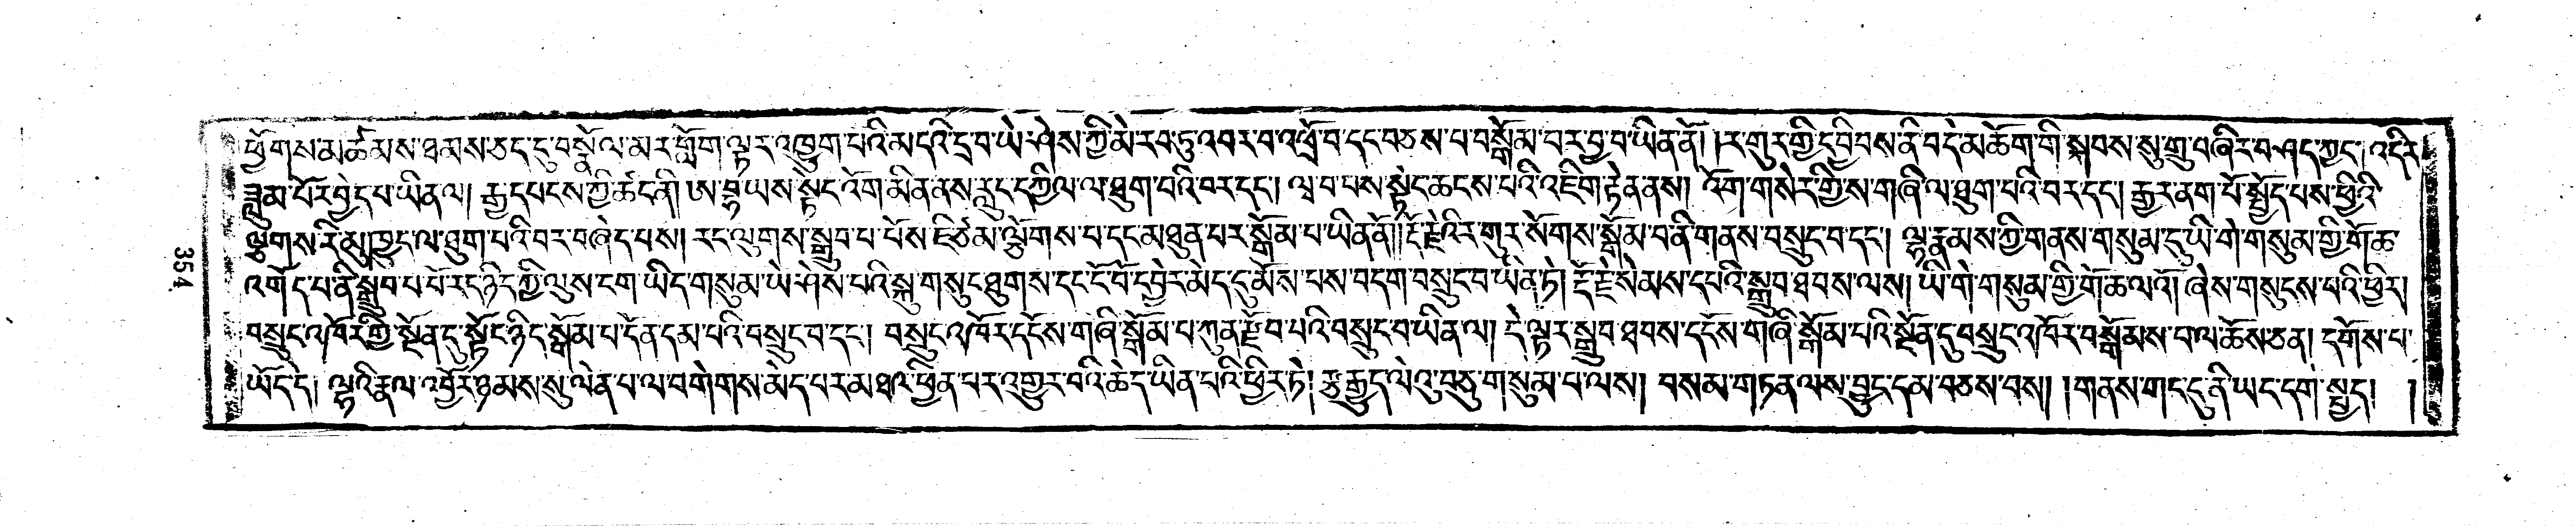ཕྱོགས་མཚམས་ཐམས་ཅད་དུ་བསྣོལ་མར་གློག་ལྟར་འཁྱུག་པའི་མདའི་དྲ་བ་ཡེ་ཤེས་ཀྱི་མེ་རབ་ཏུ་འབར་བ་འཕྲོ་བ་དང་བཅས་པ་བསྒོམ་པར་བྱ་བ་ཡིན་ནོ། །ར་གུར་གྱི་དབྱིབས་ནི་བདེ་མཆོག་གི་སྐབས་སུ་གྲུ་བཞིར་བཤད་ཀྱང་། འདིར་
ཟླུམ་པོར་བྱེད་པ་ཡིན་ལ། རྒྱ་དཔངས་ཀྱི་ཚང་ནི། ཨ་བྷ་ཡས་སྟེང་འོག་མིན་ནས་རླུང་དཀྱིལ་ལ་ཐུག་པའི་བར་དང་། ལྭ་བ་པས་སྟེང་ཚངས་པའི་འཇིག་རྟེན་ནས། འོག་གསེར་གྱི་ས་གཞི་ལ་ཐུག་པའི་བར་དང་། རྒྱ་ར་ནག་པོ་སྤྱོད་པས་ཕྱིའི་
ལྕགས་རི་མུ་ཁྱུད་ལ་ཐུག་པའི་བར་བཞེད་པས། རང་ལུགས་སྒྲུབ་པ་པོས་ཇི་ཙམ་ལྕོགས་པ་དང་མཐུན་པར་སྒོམ་པ་ཡིན་ནོ། །རྡོ་རྗེའི་ར་གུར་སོགས་སྒོམ་པ་ནི་གནས་བསྲུང་བ་དང་། ལྷ་རྣམས་ཀྱི་གནས་གསུམ་དུ་ཡི་གེ་གསུམ་གྱི་གོ་ཆ་
འགོད་པ་ནི་སྒྲུབ་པ་པོ་རང་ཉིད་ཀྱི་ལུས་ངག་ཡིད་གསུམ་ཡེ་ཤེས་པའི་སྐུ་གསུང་ཐུགས་དང་ངོ་བོ་དབྱེར་མེད་དུ་མོས་པས་བདག་བསྲུང་བ་ཡིན་ཏེ། རྡོ་རྗེ་སེམས་དཔའི་སྒྲུབ་ཐབས་ལས། ཡི་གེ་གསུམ་གྱི་གོ་ཆ་ལའོ། ཞེས་གསུངས་པའི་ཕྱིར།
བསྲུང་འཁོར་གྱི་སྔོན་དུ་སྟོང་ཉིད་སྒོམ་པ་དོན་དམ་པའི་བསྲུང་བ་དང་། བསྲུང་འཁོར་དངོས་གཞི་སྒོམ་པ་ཀུན་རྫོབ་པའི་བསྲུང་བ་ཡིན་ལ། དེ་ལྟར་སྒྲུབ་ཐབས་དངོས་གཞི་སྒོམ་པའི་སྔོན་དུ་བསྲུང་འཁོར་བསྒོམས་པ་ལ་ཆོས་ཅན། དགོས་པ་
ཡོད་དེ། ལྷའི་རྣལ་འབྱོར་ཉམས་སུ་ལེན་པ་ལ་བགེགས་མེད་པར་མཐར་ཕྱིན་པར་འགྱུར་བའི་ཆེད་ཡིན་པའི་ཕྱིར་ཏེ། རྩ་རྒྱུད་ལེའུ་བཅུ་གསུམ་པ་ལས། བསམ་གཏན་ལས་བྱུང་དམ་བཅས་པས། །གནས་གང་དུ་ནི་ཡང་དག་སྤྱད། །